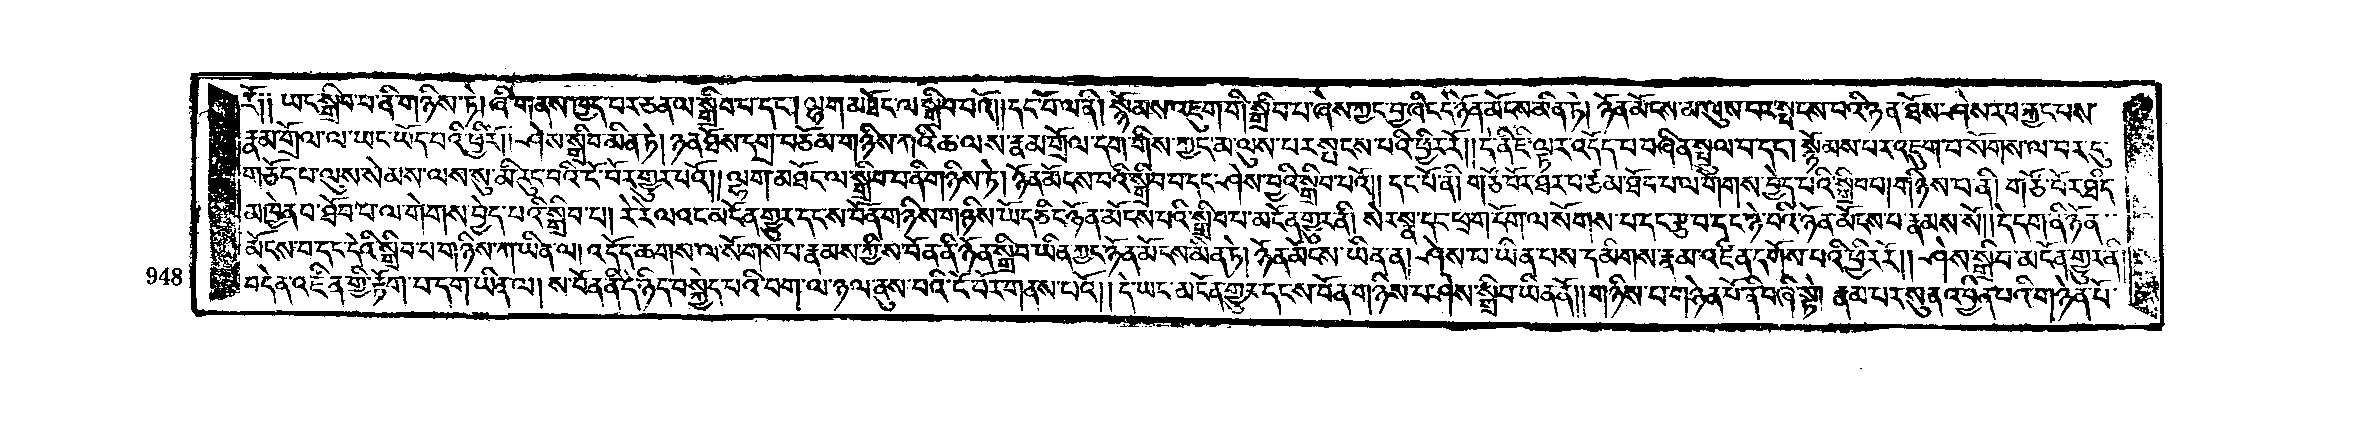རོ༑ ༑ཡང་སྒྲིབ་པ་ནི་གཉིས་ཏེ། ཞི་གནས་ཁྱད་པར་ཅན་ལ་སྒྲིབ་པ་དང་། ལྷག་མཐོང་ལ་སྒྲིབ་པའོ། །དང་པོ་ལ་ནི། སྙོམས་འཇུག་གི་སྒྲིབ་པ་ཞེས་ཀྱང་བྱ་ཞིང་དེ་ཉོན་མོངས་མིན་ཏེ། ཉོན་མོངས་མ་ལུས་པར་སྤངས་པའི་ཉན་ཐོས་ཤེས་རབ་རྐྱང་པས་
རྣམ་གྲོལ་ལ་ཡང་ཡོད་པའི་ཕྱིར་རོ། །ཤེས་སྒྲིབ་མིན་ཏེ། ཉན་ཐོས་དགྲ་བཅོམ་གཉིས་ཀའི་ཆ་ལས་རྣམ་གྲོལ་དག་གིས་ཀྱང་མ་ལུས་པར་སྤངས་པའི་ཕྱིར་རོ། །དེ་ནི་ཇི་ལྟར་འདོད་པ་བཞིན་སྤྲུལ་པ་དང་། སྙོམས་པར་འཇུག་པ་སོགས་ལ་བར་དུ་
གཅོད་པ་ལུས་སེམས་ལས་སུ་མི་རུང་བའི་ངོ་བོར་གྱུར་པའོ། །ལྷག་མཐོང་ལ་སྒྲིབ་པ་ནི་གཉིས་ཏེ། ཉོན་མོངས་པའི་སྒྲིབ་པ་དང་ཤེས་བྱའི་སྒྲིབ་པའོ། །དང་པོ་ནི། གཙོ་བོར་ཐར་པ་ཙམ་ཐོབ་པ་ལ་གེགས་བྱེད་པའི་སྒྲིབ་པ། གཉིས་པ་ནི། གཙོ་བོར་ཐམས་ཅད་
མཁྱེན་པ་ཐོབ་པ་ལ་གེགས་བྱེད་པའི་སྒྲིབ་པ། རེ་རེ་ལའང་མངོན་གྱུར་དང་ས་བོན་གཉིས་གཉིས་ཡོད་ཅིང་ཉོན་མོངས་པའི་སྒྲིབ་པ་མངོན་གྱུར་ནི། སེར་སྣ་དང་ཕྲག་དོག་ལ་སོགས་པ་དང་རྩ་བ་དང་ཉེ་བའི་ཉོན་མོངས་པ་རྣམས་སོ། །དེ་དག་ནི་ཉོན་
མོངས་པ་དང་དེའི་སྒྲིབ་པ་གཉིས་ཀ་ཡིན་ལ། འདོད་ཆགས་ལ་སོགས་པ་རྣམས་ཀྱི་ས་བོན་ནི་ཉོན་སྒྲིབ་ཡིན་ཀྱང་ཉོན་མོངས་མིན་ཏེ། ཉོན་མོངས་ཡིན་ན། ཤེས་པ་ཡིན་པས་དམིགས་རྣམ་འཛིན་དགོས་པའི་ཕྱིར་རོ། །ཤེས་སྒྲིབ་མངོན་གྱུར་ནི།
བདེན་འཛིན་གྱི་རྟོག་པ་དག་ཡིན་ལ། ས་བོན་ནི་དེ་ཉིད་བསྐྱེད་པའི་བག་ལ་ཉལ་ནུས་པའི་ངོ་བོར་གནས་པའོ། །དེ་ཡང་མངོན་གྱུར་དང་ས་བོན་གཉིས་པ་ཤེས་སྒྲིབ་ཡིན་ནོ། །གཉིས་པ་གཉེན་པོ་ནི་བཞི་སྟེ། རྣམ་པར་སུན་འབྱིན་པའི་གཉེན་པོ་